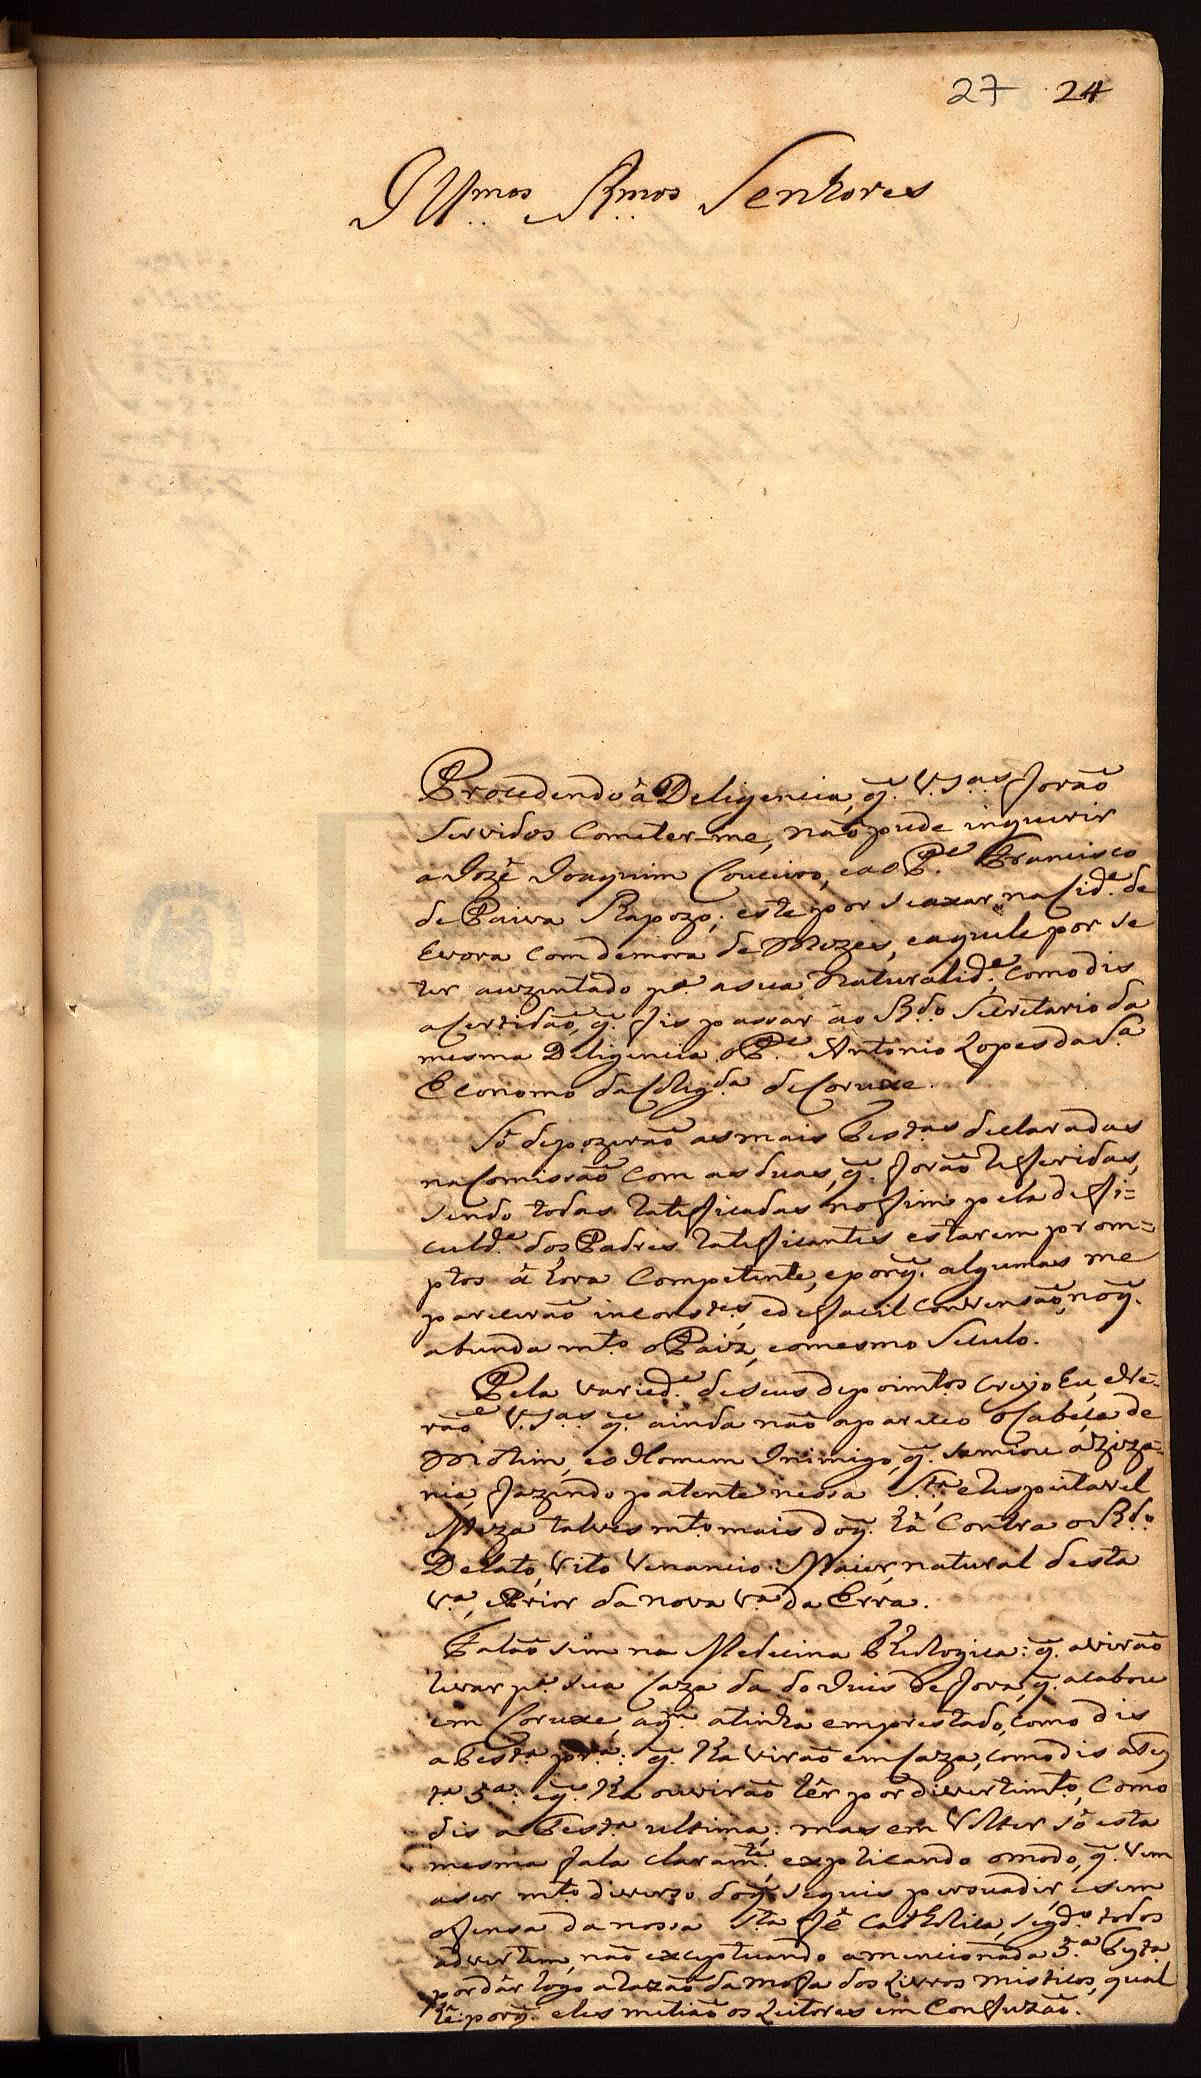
27 24
Ill.mos R.mos Senhores
Procedendo à Deligencia a q̄ V. S.as foraõ
servidos Cometer-me, naõ pude inquirir
a Iozé Ioaquim Couceiro, e ao P.e Francisco
de Paiva Rapozo; este por se axar na Cid.e de
Evora com demora de Mezes, e aquele por se
ter auzentado p.a a sua naturalid.e como dis
a Certidaõ, q̄ fis passar ao R.do Secretario da
mesma Deligencia o P.e Antonio Lopes da S.a
Economo da CoReg.da de Coruxe.
só depozeraõ as mais Test.as declaradas
na Comissaõ com as duas, q̄ foraõ Referidas,
sendo todas Rateficadas no fim pela defi
culd.e dos Padres Rateficantes estarem prom
ptos à hora Competente, e porq̄ algumas me
pareceraõ incomod.as e de facil convensaõ, no q̄
abunda m.to o Paiz, e o mesmo Seculo.
Pela varied.e de seus depoim.tos creyo Eu, Ve
raõ V. S.as q̄ ainda naõ apareceo o Cabeça de
motim, e o Homem Inimigo, q̄ samiou a ziza
nia, fazendo patente nessa S.ta e Respeitavel
Meza talves m.to mais do q̄ há contra o R.do
Delato Vito Venancio Maier, natural desta
V.a, e Prior da nova V.a da Erra.
Falaõ sim na Medecina Theologica: q̄ a viraõ
levar p.a sua Caza da do Iuis de Fora, q̄ acabou
em Coruxe a qm a tinha emprestado, como d
a Test.a pra: q̄ lha viraõ em Caza, como dis a Tes
t.a 5.a e q̄ lha ouviraõ ler por divertim.to como
dis a Test.a ultima; mas em Volter só esta
mesma fala claram.te explicando o modo, q̄ vem
a ser m.to diverso so q̄ seguio persuadir e sem
ofensa da nossa S.ta fé catholica seg.do todos
advertem, naõ exceptuando a mencionada 5.a Test.a
por dar logo a Razaõ da mofa dos Livros misticos, qual
hē porq̄ eles metiaõ os Leitores em confuzaõ.
